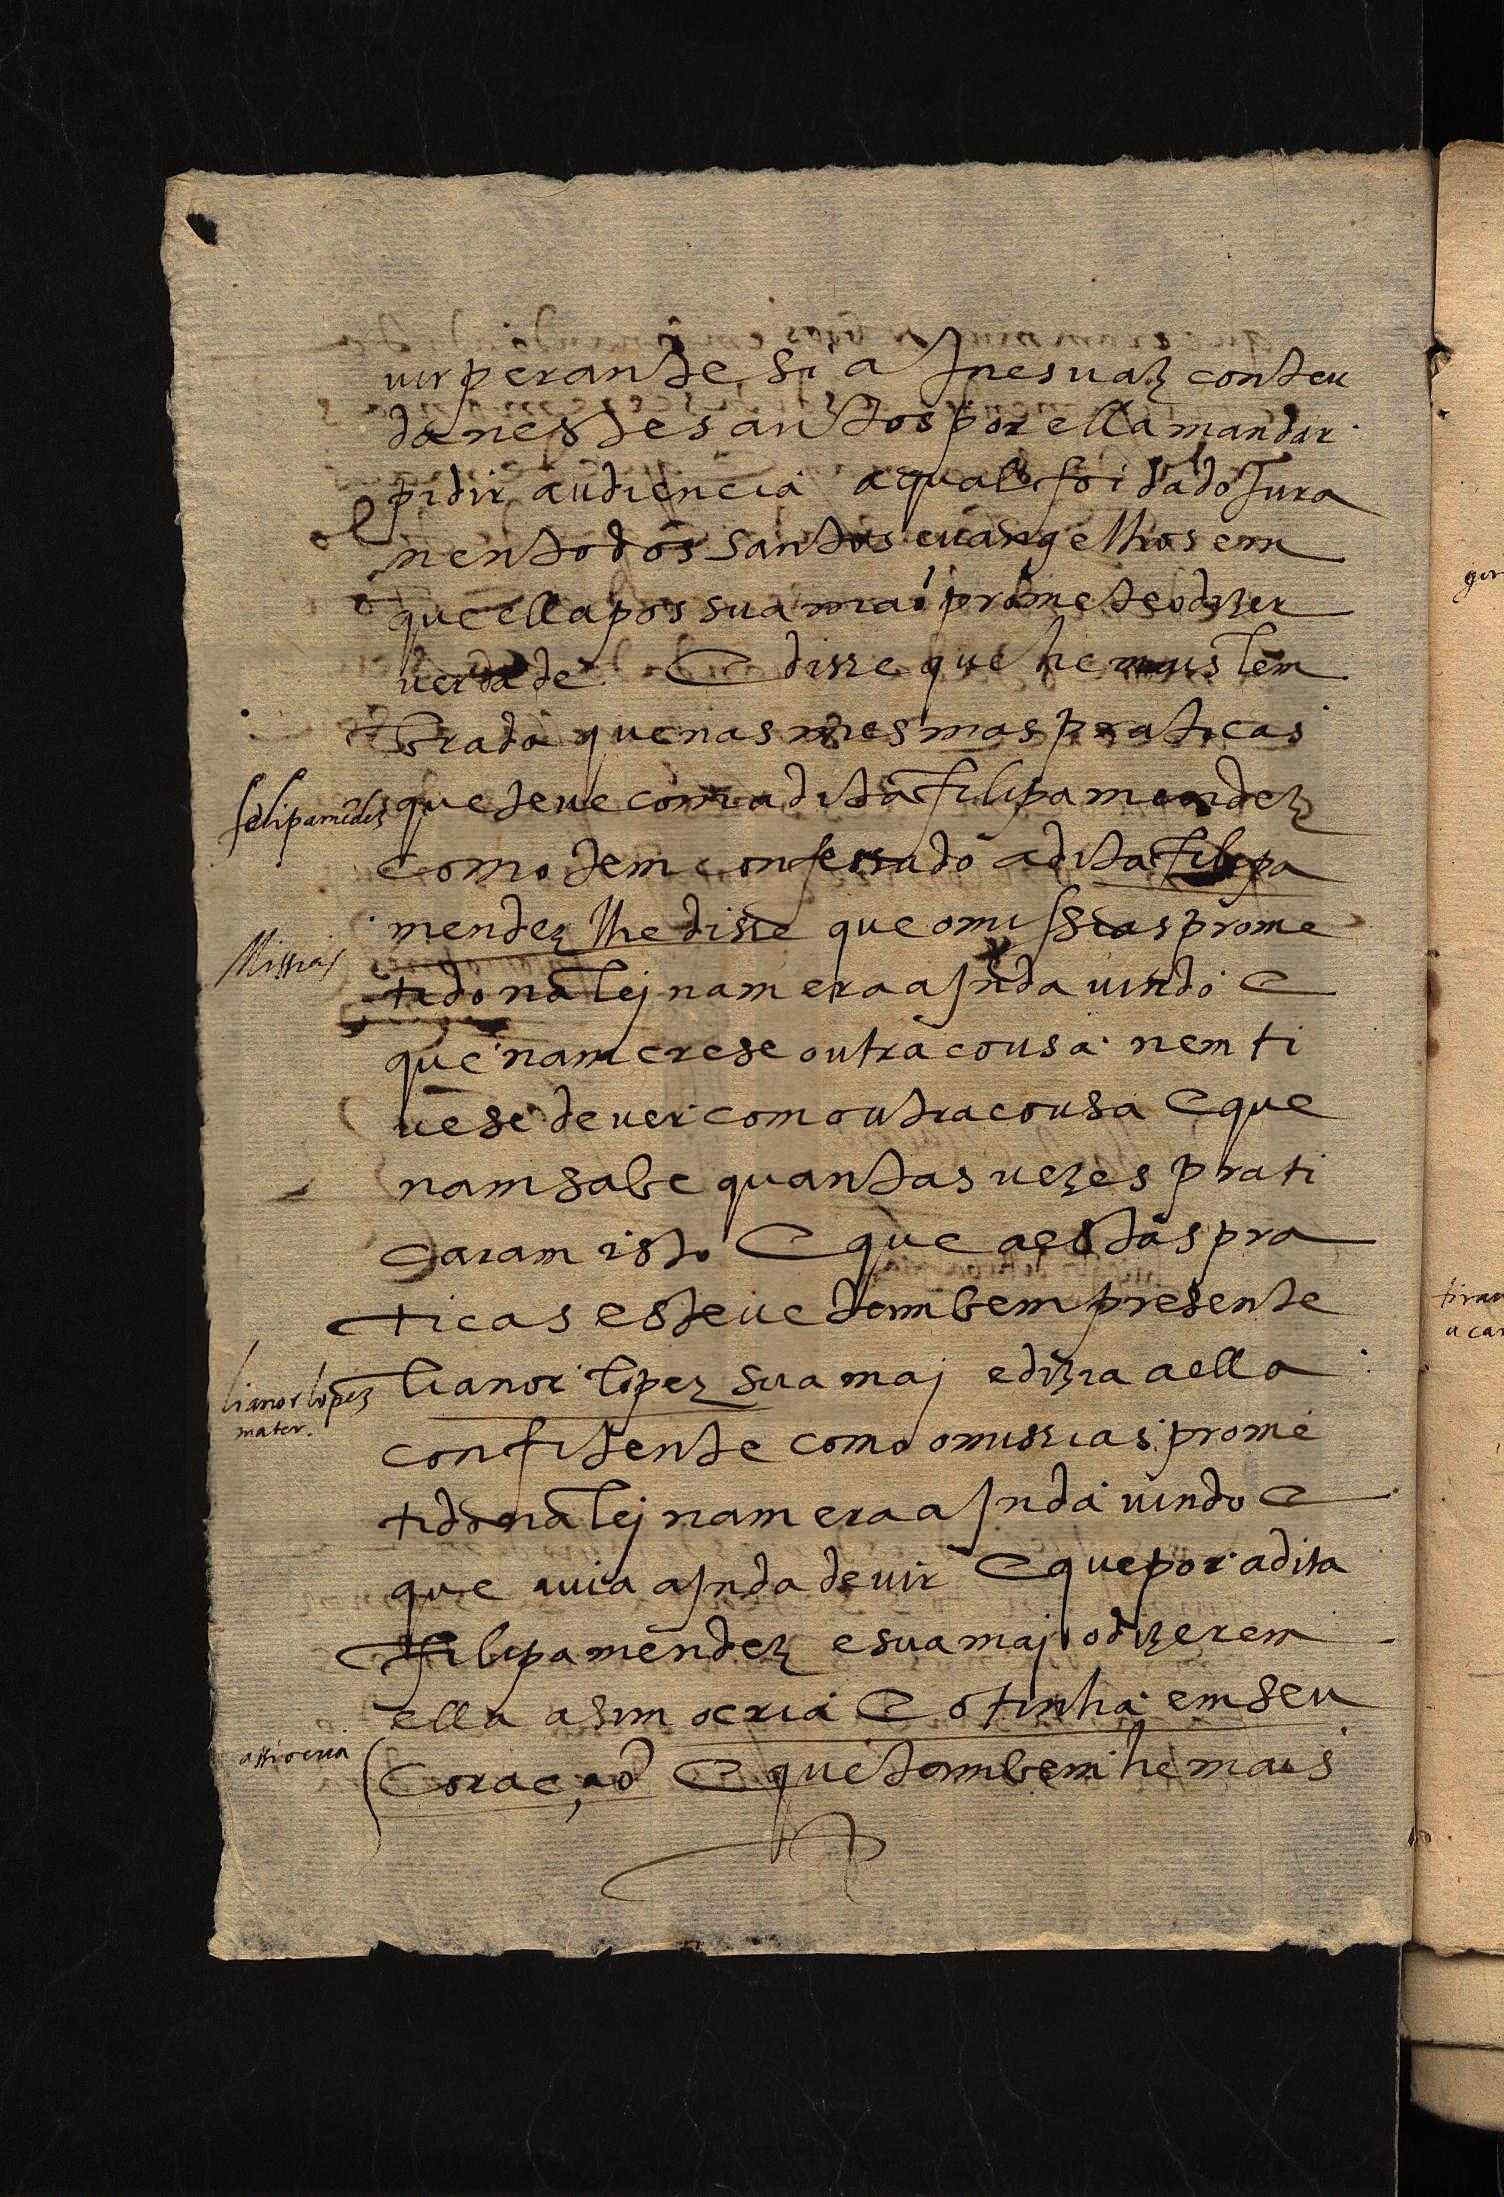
uir perante si a Jnes uaz conteu
da nestes autos por ella mandar
pidir audiencia a qual foi dado Jura
nento dos santos euangelhos em
que ella pos sua maõ prometeo dizer
uerdade e disse que he mais lem
brada que nas mesmas praticas
que teue com a dita filipa mendez
como tem confessado a dita filipa
mendez lhe disse que o missias prome
tido na lej nam era ajnda uindo e
que nam crese outra cousa nem ti
uese deuer com outra cousa e que
nam sabe quantas uezes prati
caram isto e que a estas pra
ticas esteue tambem presente
lianor lopez sua maj e dizia a ella
confitente como o missias prome
tido na lej nam era aJnda uindo e
que auia aJnda de uir e que por a dita
filipa mendez e sua maj o dizerem
ella asim o cria e o tinha em seu
coraçaõ e que tambem he mais
